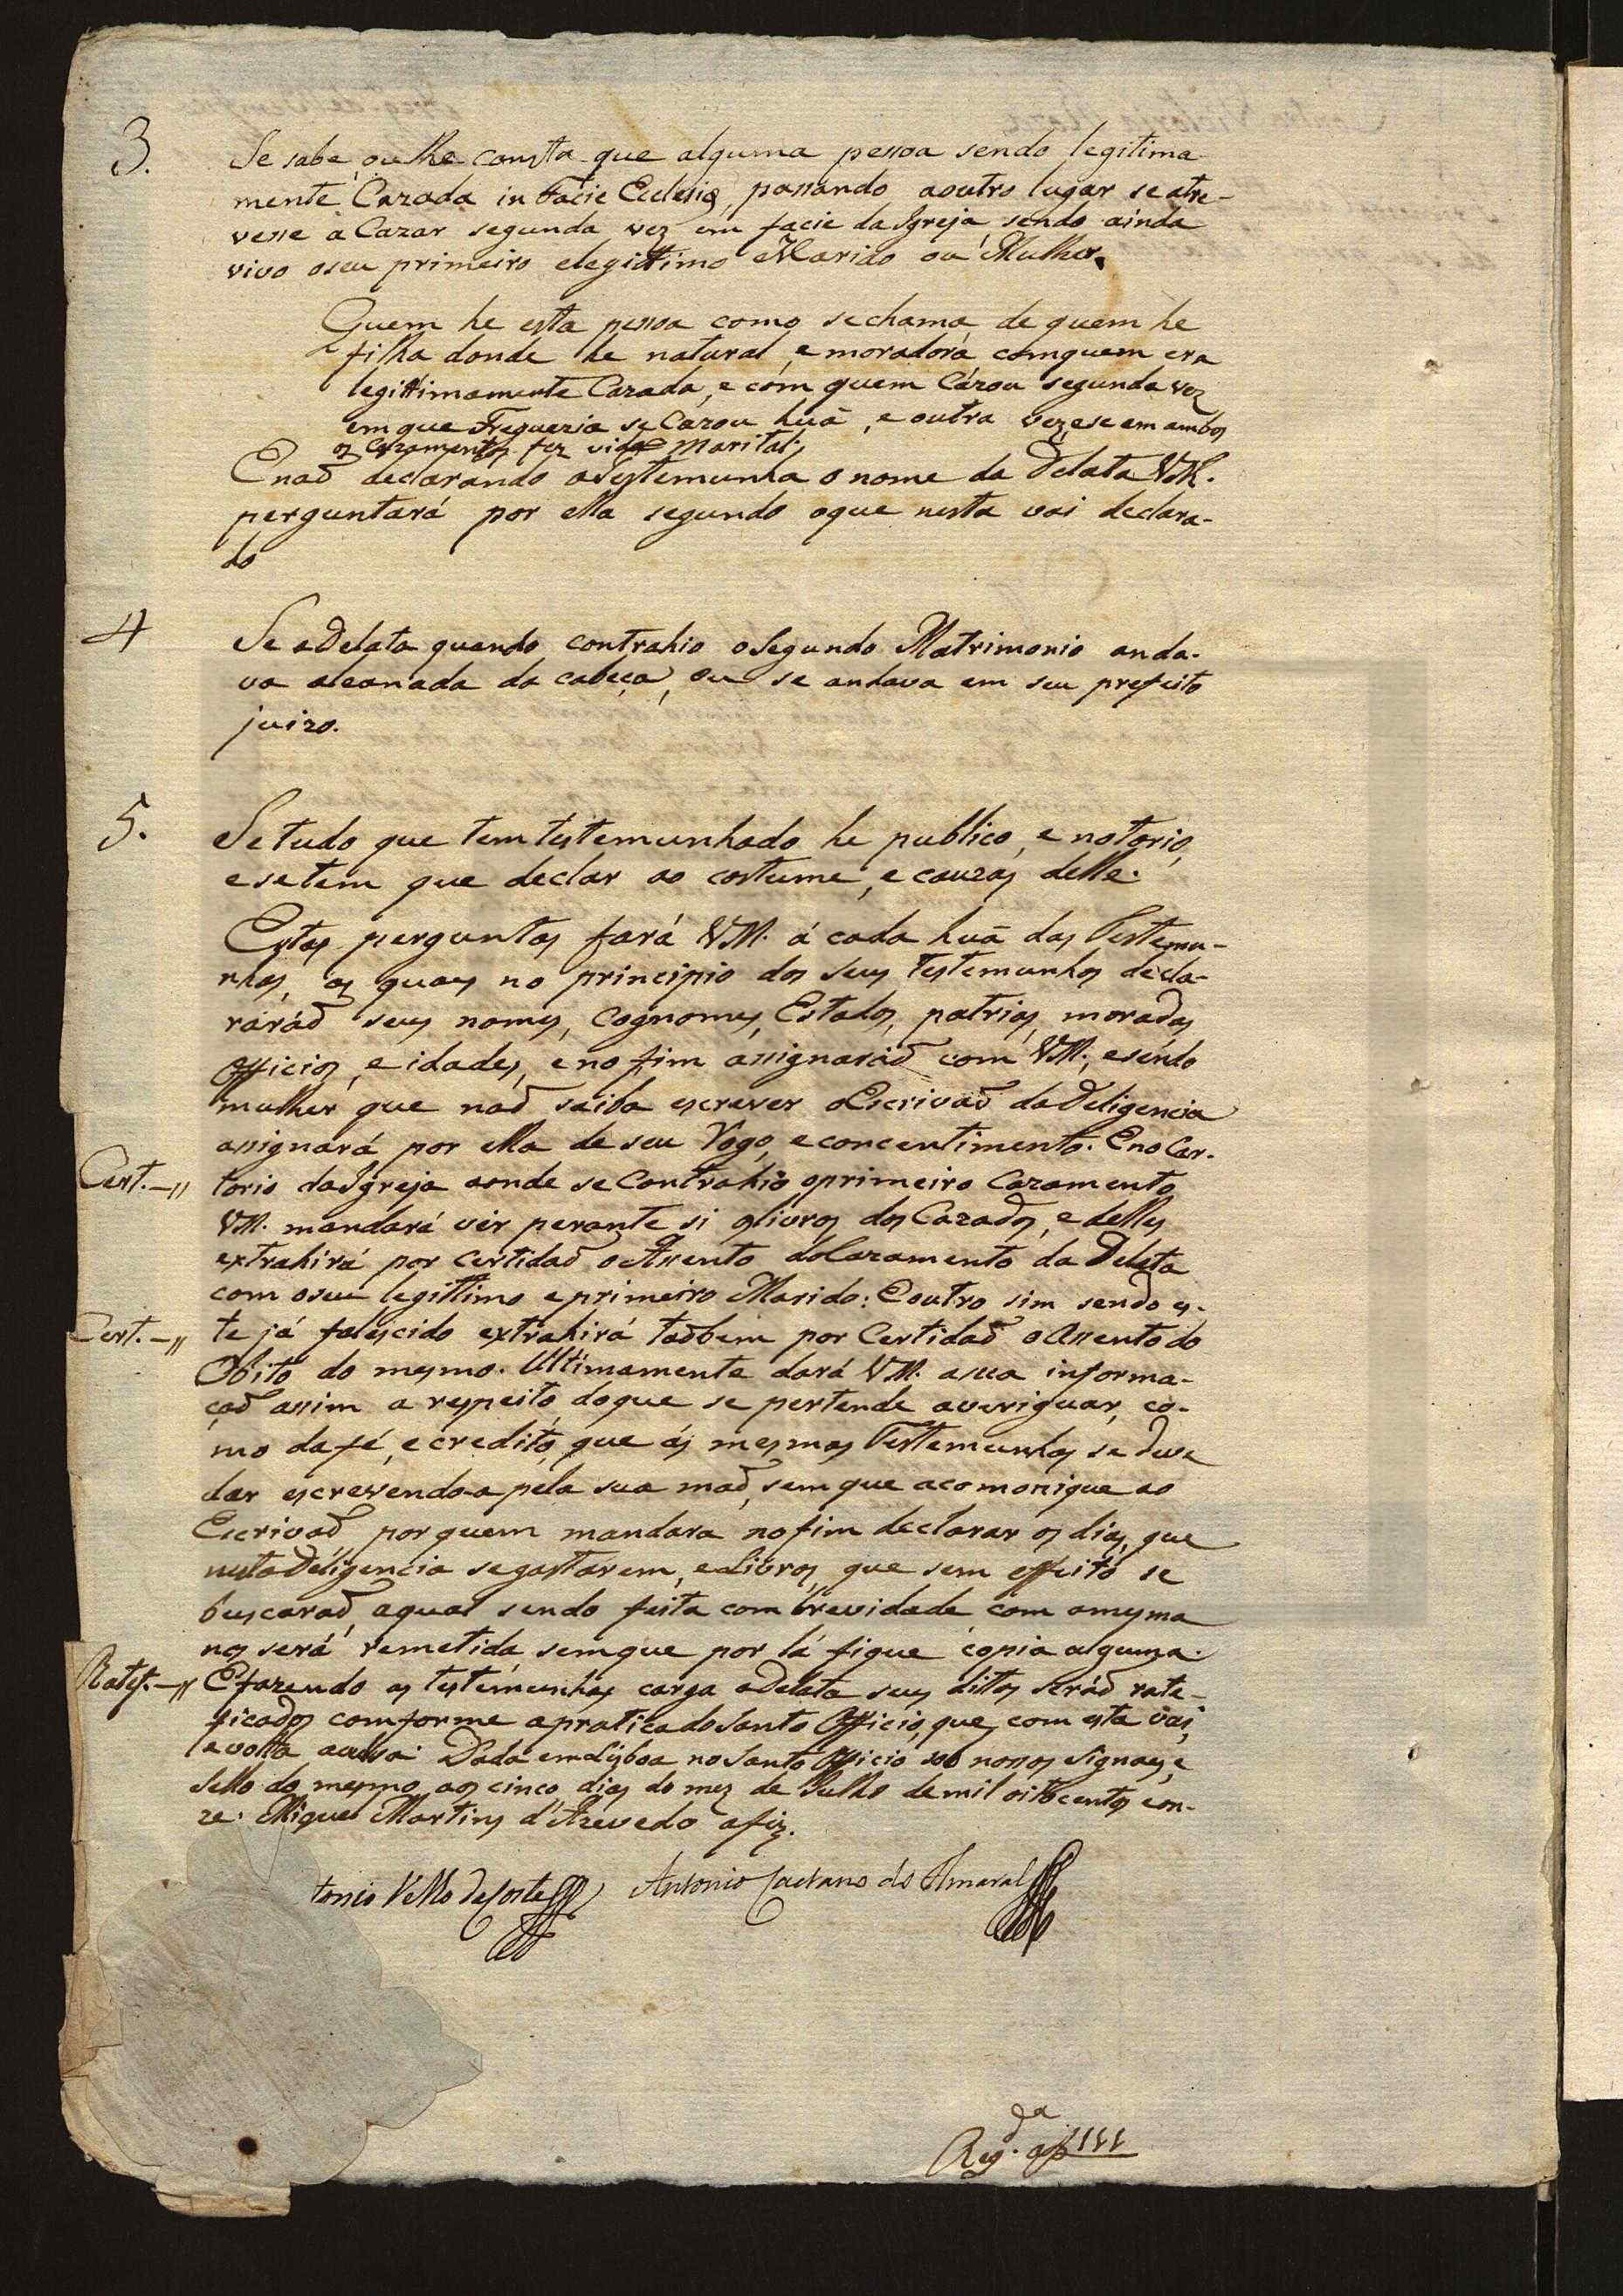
Se sabe ou lhe consta que alguma pessoa sendo legitima
mente Cazada in Facie Ecclesiæ, passando a outro lugar se atre
vesse a Cazar segunda vez em facie da Igreja, sendo ainda
vivo o seu primeiro e legittimo Marido ou Mulher.
Quem he esta pessoa como se chama, de quem he
filha, donde he natural, e moradora, com quem era
legittimamente Cazada, e com quem Cazou segunda vez
em que Freguezia se cazou huā, e outra vez, e se em ambos
os cazamentos fez vida marital;
E naõ declarando a Testemunha o nome da Delata VM.
perguntará por ella segundo o que nesta vai declara
do
Se a Delata quando contrahio o segundo Matrimonio anda
4
va aleonada da cabeça, ou se andava em seu prefeito
juizo.
Se tudo que tem testemunhado he publico, e notorio,
5
e se tem que declar ao costume, e cauzas delle.
Estas perguntas fará VM. a cada huā das Testemu
nhas, as quaes no principio dos seus testemunhos decla
raraõ seus nomes, cognomes, Estados, patrias, moradas,
officios, e idades, e no fim assignaraõ com VM., e sendo
mulher que naõ saiba escrever o Escrivaõ da Deligencia
assignará por ella de seu Rogo, e concentimento. E no car
torio da Igreja aonde se contrahio o primeiro Cazamento
Cert.
VM. mandará vir perante si os livros dos Cazados, e delles
extrahirá por certidaõ o Assento do Cazamento da Delata
com o seu legittimo e primeiro Marido: E outrosim sendo es
te já falescido extrahirá taõbem por certidaõ o assento do
Cert.
Obito do mesmo. Ultimamente dará VM. a sua informa
çaõ assim a respeito do que se pertende averiguar, co
mo da fé, e credito, que ás mesmas Testemunhas se deve
dar escrevendo-a pela sua maõ, sem que a comonique ao
Escrivaõ, por quem mandara no fim declarar os dias, que
nesta deligencia se gastarem, e Livros que sem effeito se
buscaraõ, a qual sendo feita com brevidade com a mesma
nos será remetida, sem que por lá fique copia alguma
Ratef.
E fazendo as testemunhas carga a Delata seus dittos seraõ rate
ficados comforme a pratica do Santo Officio, que com esta vai,
a volta a outra. Dada em Lisboa no Santo Officio sob nossos signaes, e
sello do mesmo aos cinco dias do mez de Iulho de mil oitocentos e on
ze. Miguel Martins d'Azevedo a fiz.
tonio Velho de Costa Antonio Caetano do Amaral
Reg.da a f 111
